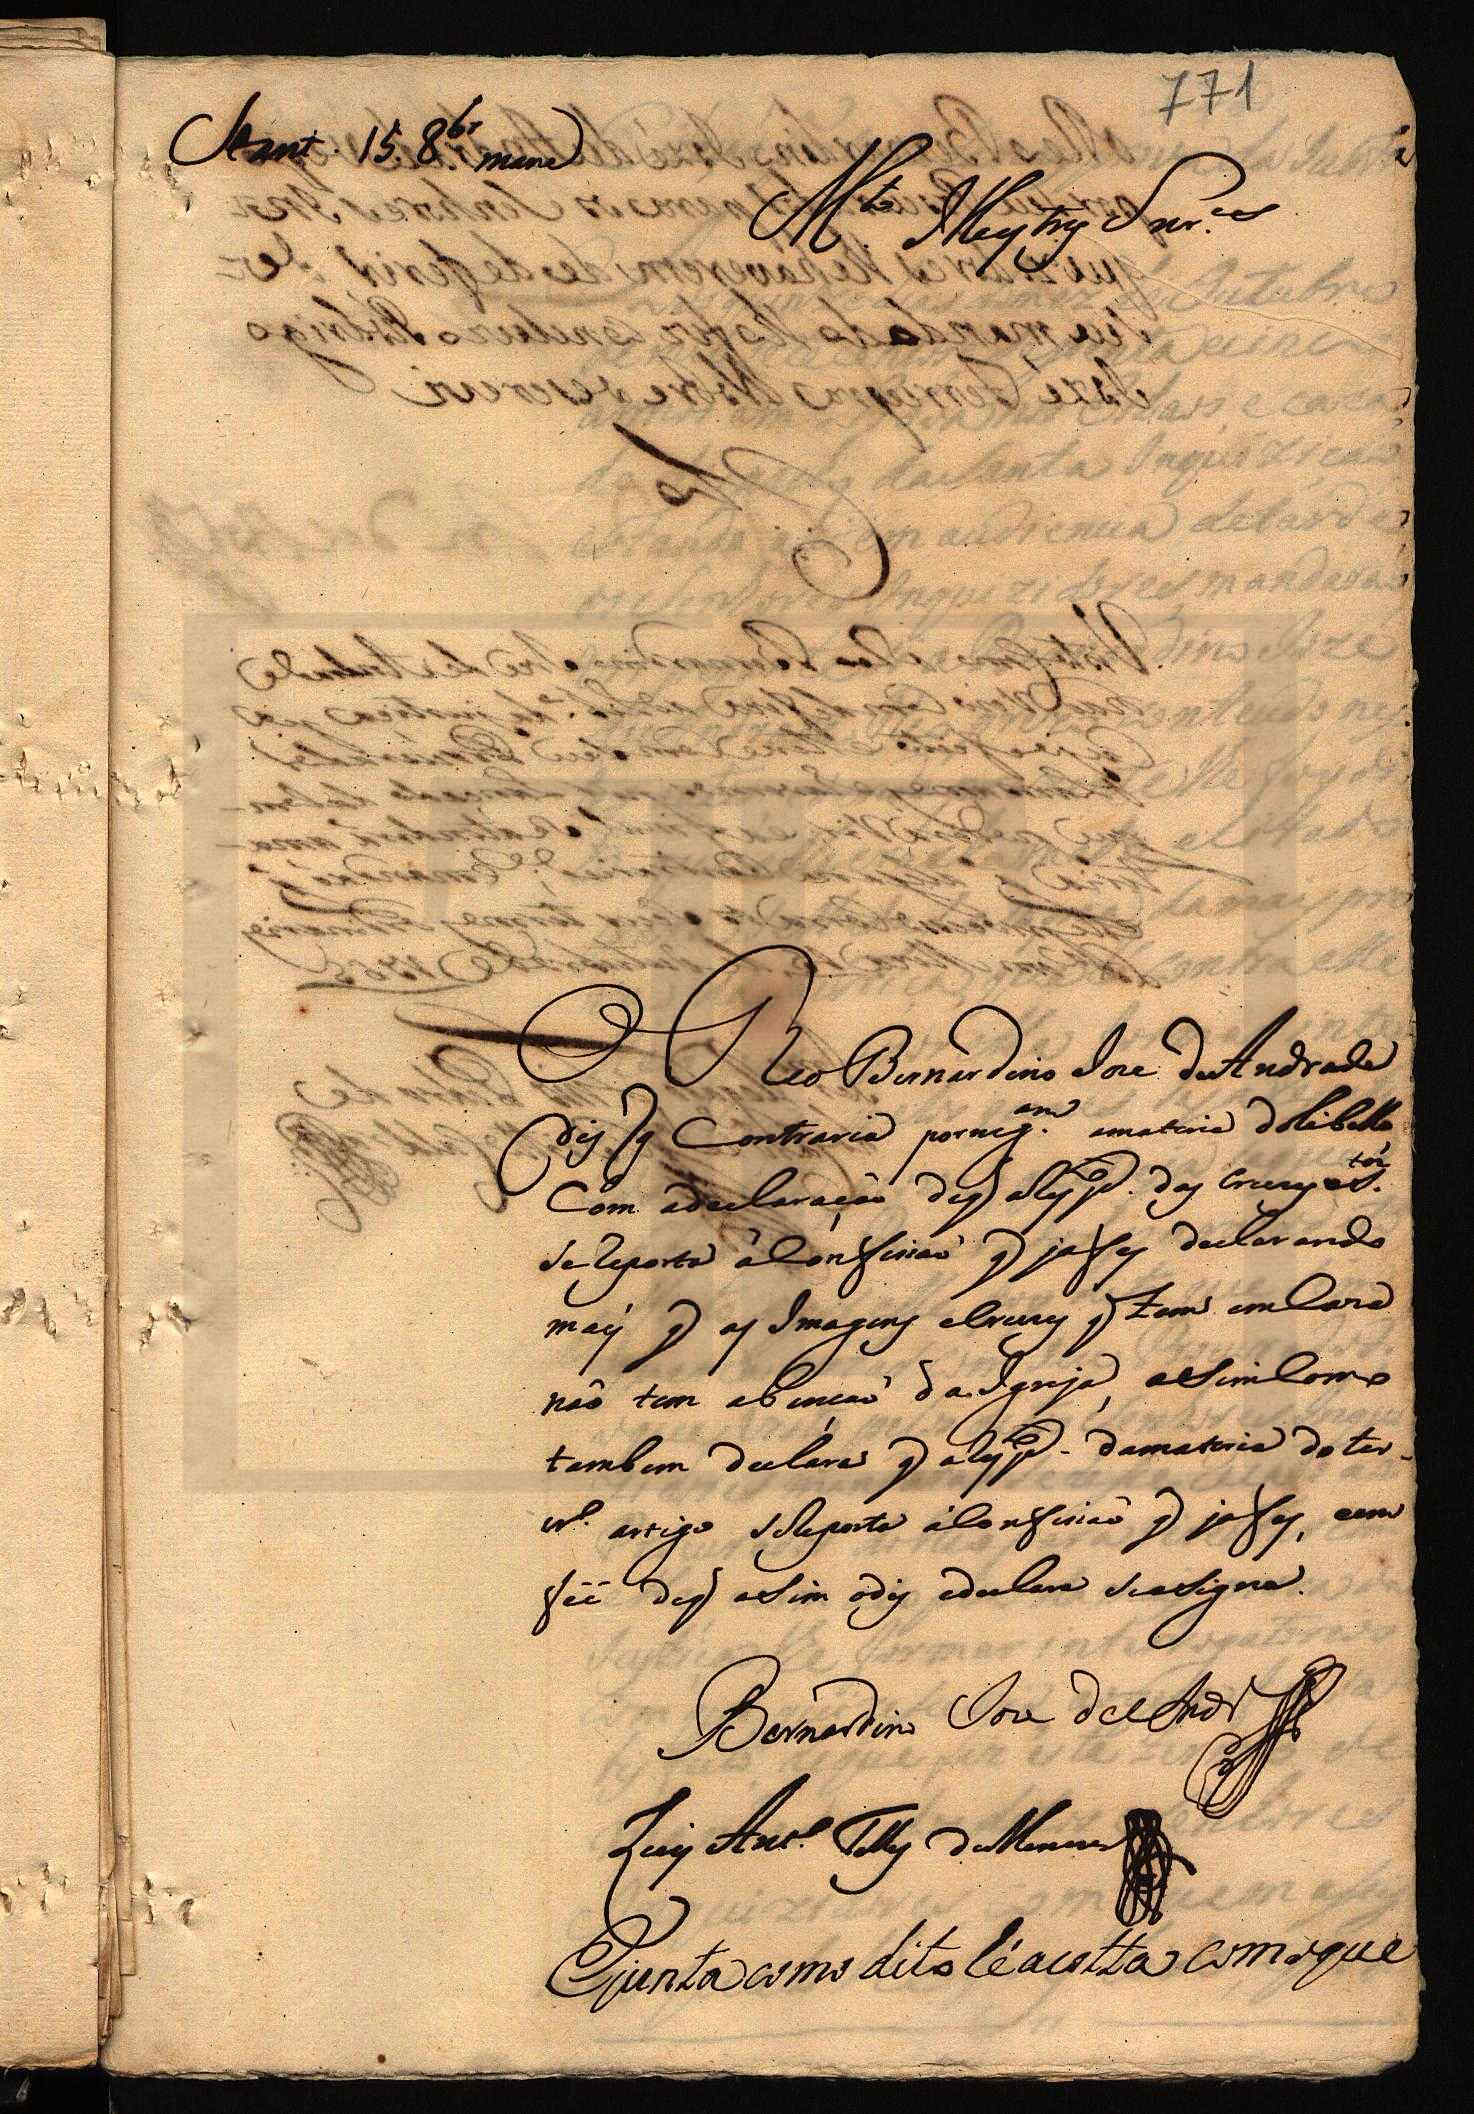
Stant. 15. 8.br mane
M.to Illustres Snr.es
O Reo Bernardino Ioze de Andrade
dis q̄ Contraria por neg.am a materia do libello,
Com a declaraçaõ de q̄ a Resp.to das cruzes a s.tn
se Reporta á Confissaõ q̄ ja fes declarando
mais q̄ as Imagens e Creizes q̄ tem em Caza
naõ tem a bençaõ da Igreja aSim Como
tambem declara q̄ a Resp.to da materia do ter
cr.o artigo se Reporta á Confissaõ q̄ ja fes, e em
féé de q̄ asim o dis e declara se asigna.
Bernardino Ioze de Andre
Luis Ant.o Telles de Menezes
E junta como dito hé a cotta com o que
